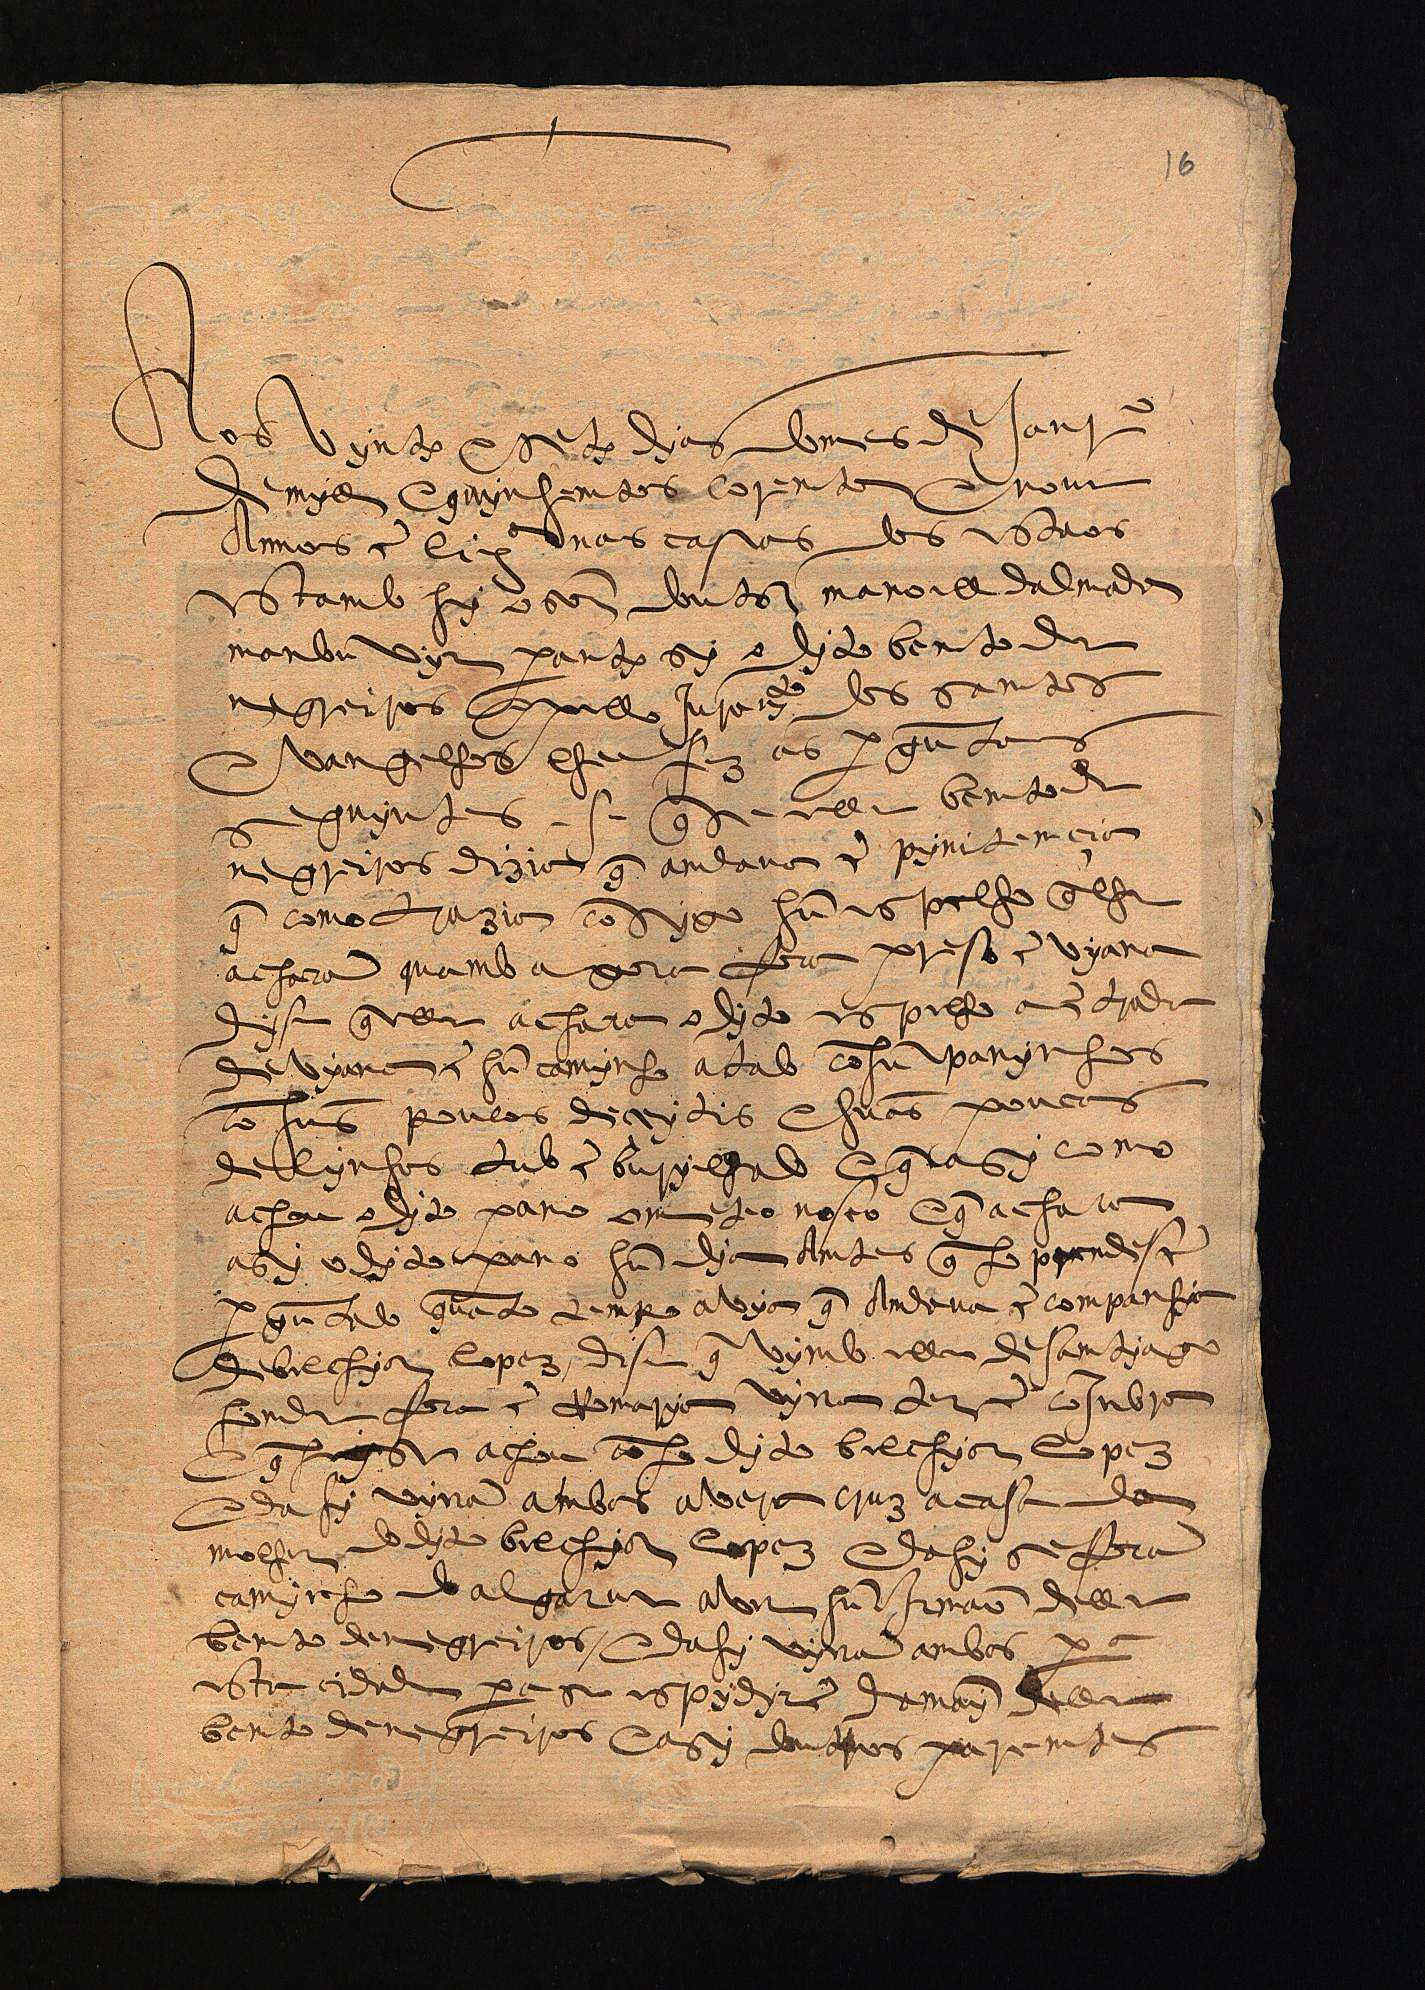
Aos vynte e sete dyas do mes de Janro
de myll e quynhemtos corenta e noue
Annos e̅ lixa nas casas dos estaos
estamdo hy o so̅r doutor manoell dalmada
mandou vyr ꝑante sy o dyto bento de
negreiros e pello Juramto dos samtos
evangelhos lhe fez as ꝑ ḡutas
seguyntes .S. q̅ se elle bemto de
negreiros dizia q̅ amdaua e̅ pynitemçia
q̅ como trazia co̅sygo hu̅ espelho q̅ lhe
achara̅ quamdo agora fora preso e̅ vyana
dyse q̅ elle achara o dyto espelho a e̅trada
de vyana e̅ hu̅ camynho atado co̅ hu̅ panynhos
co̅ hu̅s poucos de ceytis e hu̅as poucas
de lynhas tudo e̅burylhado e q̅ asy como
achou o dyto pano o meteo no seo e q̅ achara
asy o dyto pano hu̅ dya Amtes q̅ ho prendese̅
ꝑ gūtado qua̅to tempo avya q̅ Amdaua e̅ companhya
de belchyor lopez, dise q̅ vymdo elle de Samtyago
homde fora e̅ Romarya vyera ter e̅ coJnbra
e q̅ hay se achou co̅ ho dyto belchyor lopez
e dahy vyera̅ ambos a vera cruz a casa da
molher do dyto belchyor lopez e dahy se fora̅
camynho do algarue a ver hu̅ Jrmaõ delle
bemto de negreiros / e dahy vyera̅ ambos ꝑa
esta cidade ꝑa se espydyre̅ da ma̅y delle
bemto de negreiros e asy doutros paremtes
